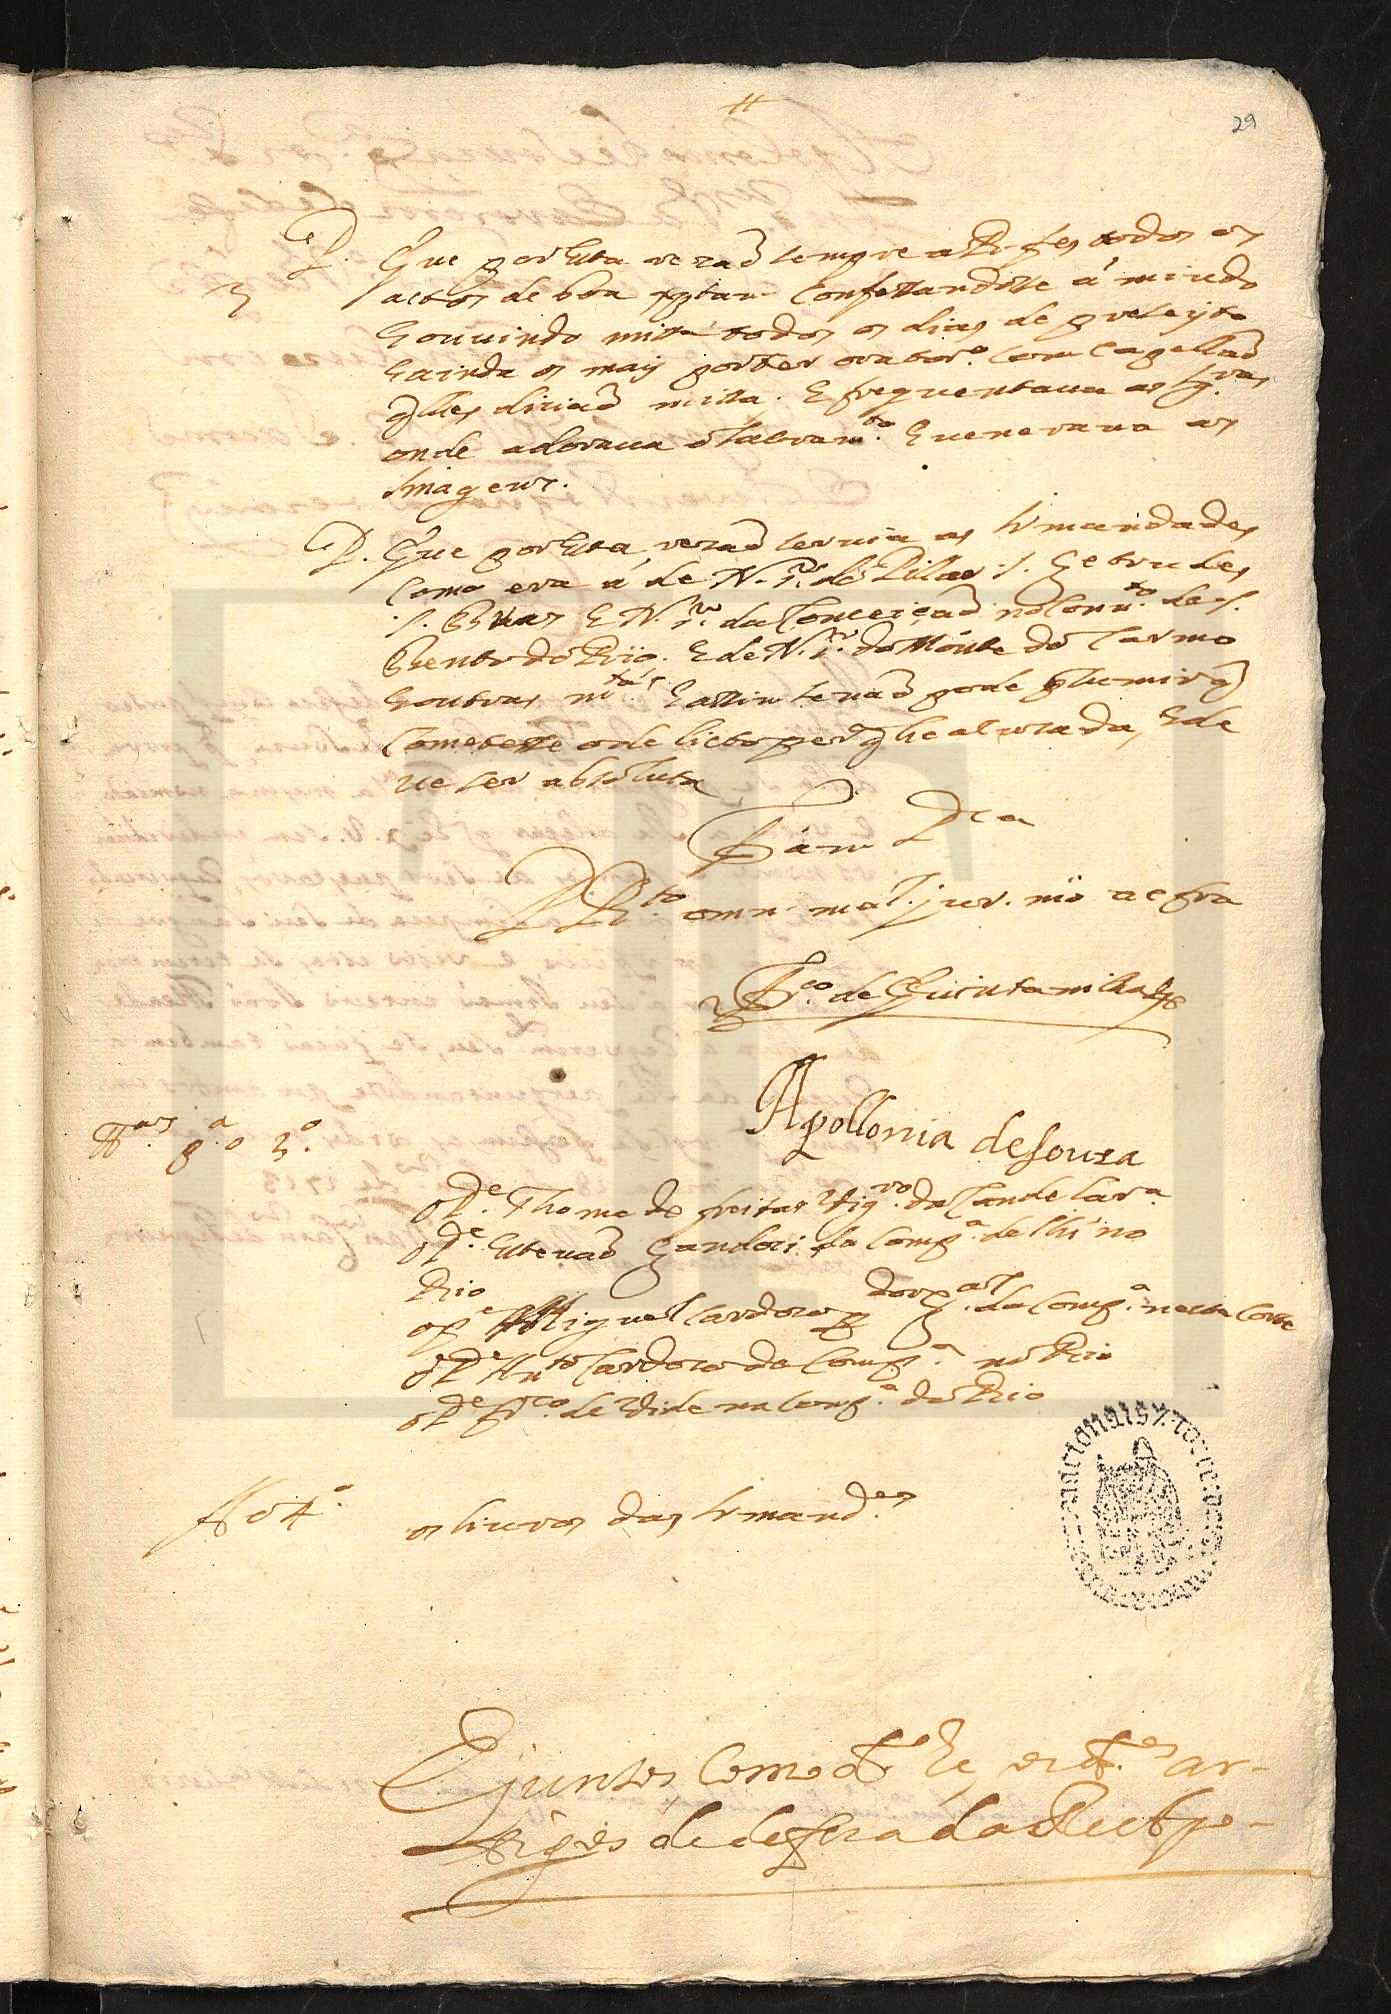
Tt.as p.a o
3.o
Ao 4.o
P. Que por Esta rezaõ sempre a R fes todos os
actos de boa xptam confessandosse á miudo
E ouuindo missa todos os dias de preceyto
E ainda os mais por ter orator.o com capellaõ
q̄ lhes diziaõ missa. E frequentaua as Ig.ras
onde adoraua o sacram.to E ueneraua as
Imagens.
P. Que por Esta rezaõ seruia as Irmandades
Como era á de N. sra do Pillar .s. Getrudes
.s. Bras E N. s.ra da Conceiçaõ no Conu.to de .s.
Bento do Rio, E de N. sra. do Monte do Carmo
E outras mta.s E assim se naõ pode prezumir q̄
Cometesse o delicto per q̄ he acuzada, E de
ue ser absoluta
Fam Pca
P R.to omn. mel. jur. mö ac fra
Fr.co de Quintanilha
Apollonia de souza
o P.e Thome de freitas Vigro. da Candelar.a
o P.e Esteuão Gandozi da Compa de lhs̄ no
Rio
o pe Miguel Cardozo p.dor g.al da Comp.a nesta corte
o Pe Anto Cardozo da Comp.a no Rio
o Pe fr.co de Vide na Comp.a do Rio
os liuros das Irmand.es
E juntos, como d̄o he, os d̄.os ar
tigos de defeza da Re Apo
